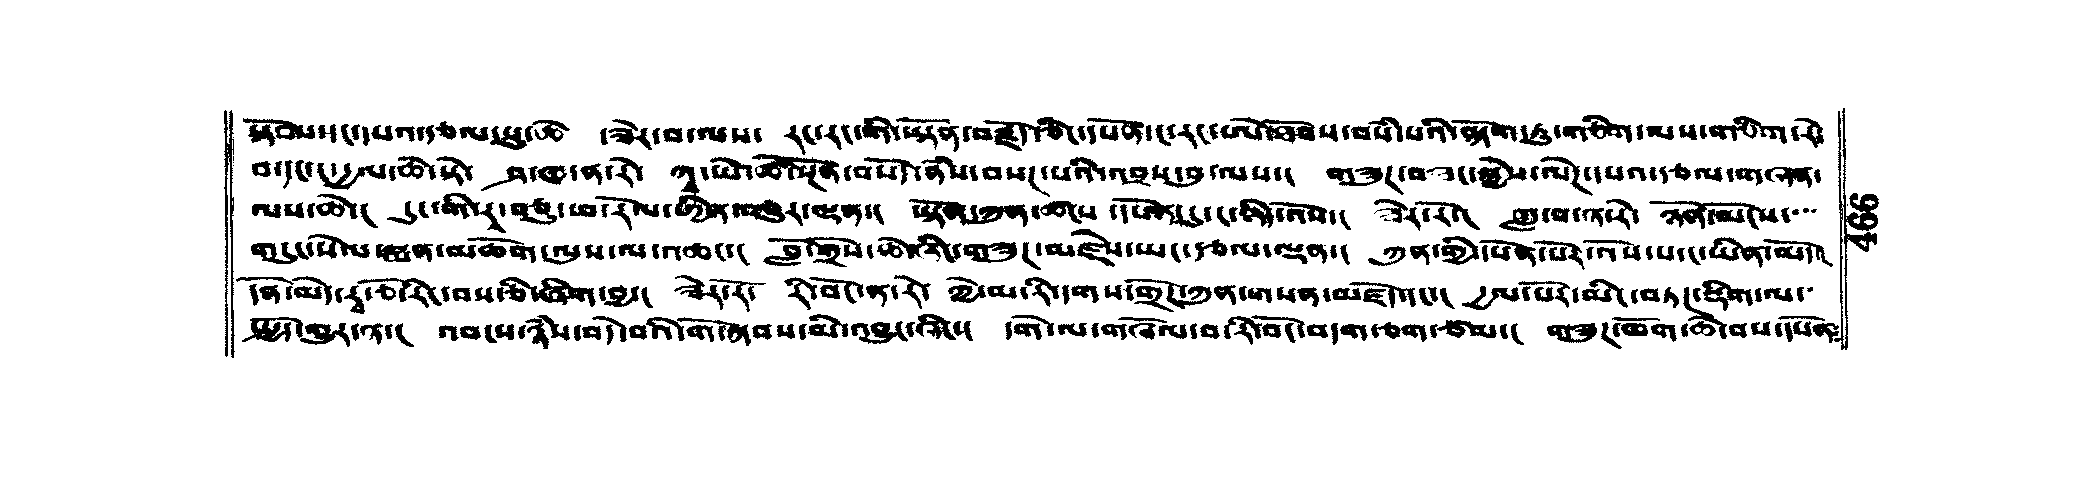སྟོབས་དང་དཔའ་རྩལ་སུ་ཆེ་ཟེར་བ་ལས། རང་རང་གི་ཡོན་ཏན་བརྗོད་ཅིང་དཔོན་ང་རང་ཨེ་ཐོབ་བསམ་པའི་ལྐོག་ཏུ་གཅིག་ལས་གཅིག་རེ་
བ་དང་ང་རྒྱལ་ཆེ་སྟེ། ཤ་བ་ན་རེ། ཀྭ་ཡེ་ཚེ་སྔོན་བསོད་ནམས་བསགས་པའི་འབྲས་བུ་ལས། །གཟུགས་བཟང་སྐྱེས་ལེགས་དཔའ་རྩལ་གཞན་
ལས་ཆེ། །དུང་གི་རྭ་བཅུ་ཕ་རོལ་ཕྱིན་བཅུར་ལྡན། །ཡོན་ཏན་ཀུན་ཚང་དཔོན་དུ་ང་ཉིད་འོས། །ཟེར་རོ། གླ་བ་ན་རེ། ཉོན་མོངས་
གདུང་སེལ་སྨན་མཆོག་ལུས་ལ་འཆང་། །བློ་གྲོས་ཆེ་ཞིང་གཟུགས་མཛེས་ཡང་རྩལ་ལྡན། །ཀུན་གྱི་དཔོན་པོར་འོས་པ་ང་ཡིན་མོད། །
དོན་མེད་རྭ་ཅོ་རིང་བས་ཅི་ཞིག་བྱ། །ཟེར་རོ། རི་བོང་ན་རེ། ཀྱེ་མ་རི་དྭགས་གྲོགས་ཀུན་གསན་མཛོད་དང་། །རྒྱལ་པོར་མིང་བཏགས་སྡིག་ལ་
སྤྱོད་གྱུར་ན། །འབངས་རྣམས་བདེ་བའི་གོ་སྐབས་མི་འབྱུང་ཞིང་། །དགེ་ལ་གཞོལ་བ་རི་བོང་བདག་ཅག་ཙམ། །གཟུགས་ཁོག་ཆེ་བས་དཔོན་